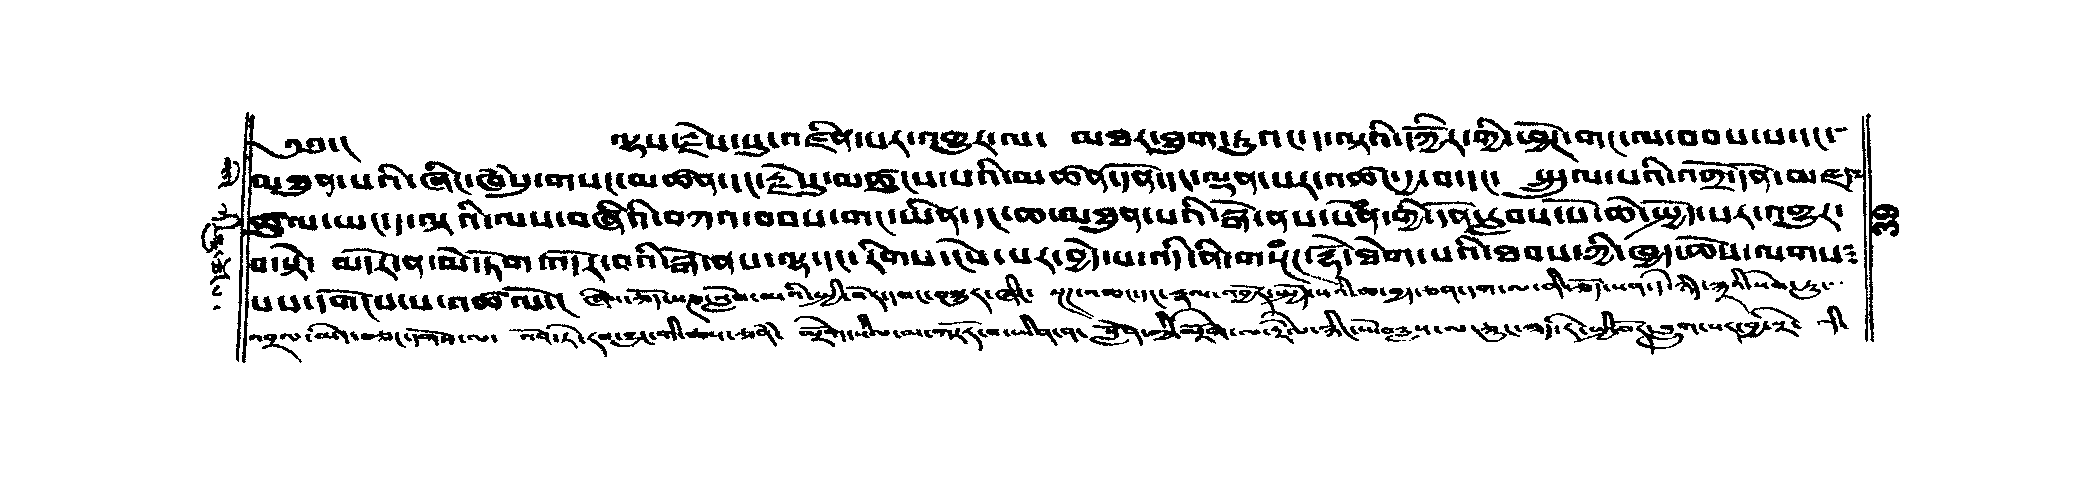ལྷས་རྗེས་སུ་འཛིན་པར་འགྱུར་ལ། མཐར་ཐུག་ཏུའང་ད་ལྟའི་དཀྱིལ་འཁོར་གྱི་ཕྱོགས་གང་ལ་བབས་པ་དག་
མཐུན་པའི་ཞིང་ཁམས་སུ་གསང་མཚན་དང་རྗེས་སུ་མཚུངས་པའི་མཚན་དོན་དང་ལྡན་པར་འཚང་རྒྱ་བ་དང་།སྤྲུལ་པའི་འགྲོ་དོན་མཛད་
ཚུལ་ཡང་ད་ལྟའི་ལས་གཞིའི་བཀའ་བབས་གང་ཡིན་དང་ཆ་མཐུན་པའི་སྒོ་ནས་སེམས་ཅན་གྱི་དོན་རླབས་པོ་ཆེ་སྤྱོད་པར་འགྱུར་
བ་སྟེ། མདོར་ན་མེ་ཏོག་འདོར་བའི་སྒོ་ནས་ལྷ་དང་རིགས་ངེས་པར་བྱེད་པ་འདི་ནི་གསང་སྔགས་རྡོ་རྗེ་ཐེག་པའི་ཐབས་ཀྱི་ཁྱད་ཆོས་ལགས་
པས་དགོངས་པ་འཚལ་ལོ། ཞེས་ཅོད་པཎ་སློབ་མའི་སྤྱི་བོར་དབང་བསྐུར་ཞིང་། སྔགས་འཆང་དང་རྣལ་འབྱོར་སྤྱོད་པའི་ཆ་བྱད་ཅན་དག་ལ་ནི་ཅོས་པན་དེ་ཉིད་སྐྲའི་སེབ་ཏུ་
འབྲལ་མེད་བཅང་དགོས་ལ། འོན་ཏེ་རབ་བྱུང་གི་ཆས་ཅན་ནམ། མེ་ཏོག་སིལ་མ་གཏོར་བ་ཡིན་ན། སློབ་དཔོན་གྱི་མེ་ཏོག་ལ་རྟེན་འབྲེལ་སྙིང་པོ་བཟླས་ལ་ཅུང་ཟད་རེ་སྤྱི་བོར་བླུག་པར་བྱ་སྟེ། འདི་